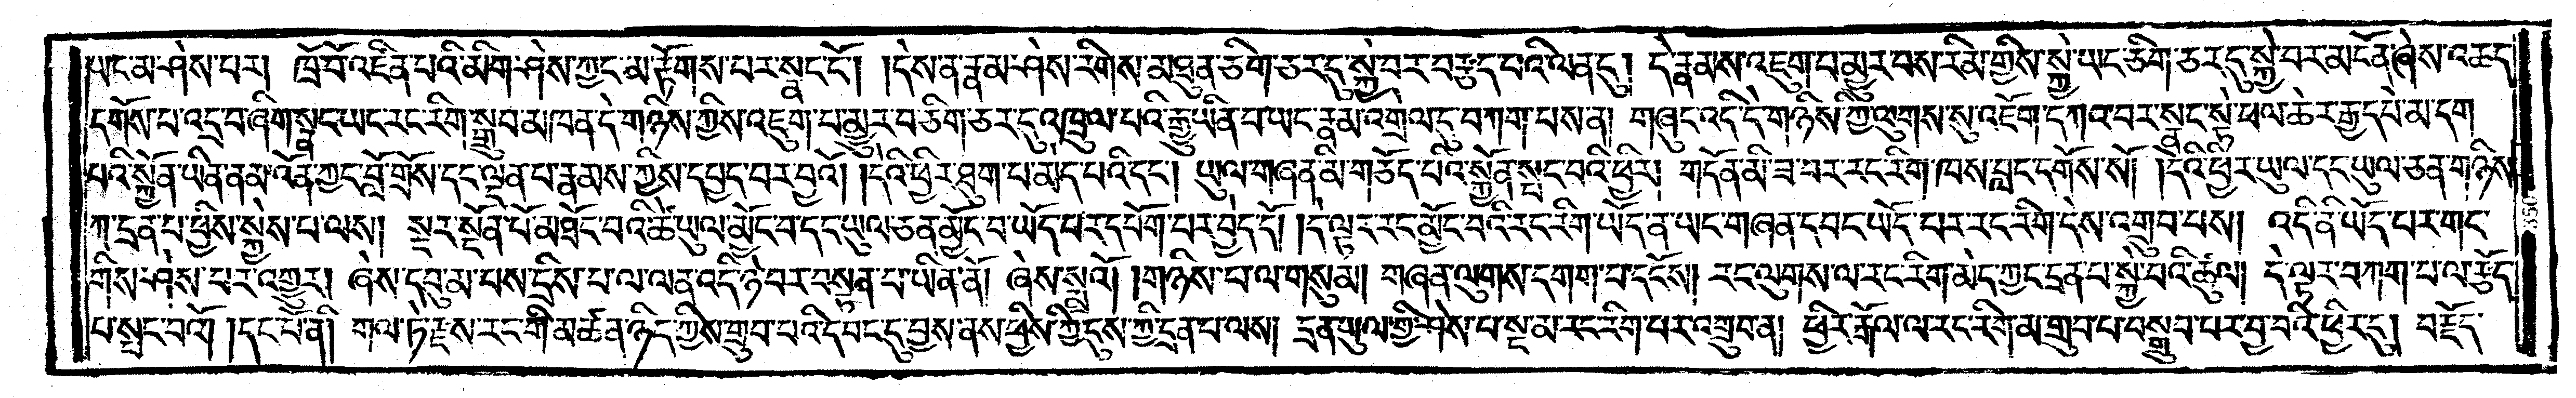ཡང་མ་ཤེས་པར། ཁྲ་བོ་འཛིན་པའི་མིག་ཤེས་ཀྱང་མ་རྟོགས་པར་སྣང་ངོ། །དེས་ན་རྣམ་ཤེས་རིགས་མཐུན་ཅིག་ཅར་དུ་སྐྱེ་བར་བརྩད་པའི་ལན་དུ། དེ་རྣམས་འཇུག་པ་མྱུར་བས་རིམ་གྱིས་སྐྱེ་ཡང་ཅིག་ཅར་དུ་སྐྱེ་བར་མངོན་ཞེས་འཆད་
དགོས་པ་འདྲ་བ་ཞིག་སྣང་ཡང་རང་རིག་སྒྲུབ་མཁན་དེ་གཉིས་ཀྱིས་འཇུག་པ་མྱུར་བ་ཅིག་ཅར་དུ་འཁྲུལ་བའི་རྒྱུ་ཡིན་པ་ཡང་རྣམ་འགྲེལ་དུ་བཀག་པས་ན། གཞུང་འདི་དེ་གཉིས་ཀྱི་ལུགས་སུ་འཇོག་དཀའ་བར་སྣང་སྟེ་ཕལ་ཆེར་རྒྱ་དཔེ་མ་དག་
པའི་སྐྱོན་ཡིན་ནམ་འོན་ཀྱང་བློ་གྲོས་དང་ལྡན་པ་རྣམས་ཀྱིས་དཔྱད་པར་བྱའོ། །དེའི་ཕྱིར་ཐུག་པ་མེད་པའི་དང་། ཡུལ་གཞན་མི་གཅོད་པའི་སྐྱོན་སྤང་བའི་ཕྱིར། གདོན་མི་ཟ་བར་རང་རིག་ཁས་བླང་དགོས་སོ། །དེའི་ཕྱིར་ཡུལ་དང་ཡུལ་ཅན་གཉིས་
ཀ་དྲན་པ་ཕྱིས་སྐྱེས་པ་ལས། སྔར་སྔོན་པོ་མཐོང་བའི་ཚེ་ཡུལ་མྱོང་བ་དང་ཡུལ་ཅན་མྱོང་བ་ཡོད་པར་དཔོག་པར་བྱེད་དོ། །དེ་ལྟར་རང་མྱོང་བའི་རང་རིག་ཡོད་ན་ཡང་གཞན་དབང་ཡོད་པར་རང་རིག་དེས་འགྲུབ་པས། འདི་ནི་ཡོད་པར་གང་
གིས་ཤེས་པར་འགྱུར། ཞེས་དབུ་མ་པས་དྲིས་པ་ལ་ལན་འདི་ཉེ་བར་བསྟན་པ་ཡིན་ནོ། ཞེས་སྨྲའོ། །གཉིས་པ་ལ་གསུམ། གཞན་ལུགས་དགག་པ་དངོས། རང་ལུགས་ལ་རང་རིག་མེད་ཀྱང་དྲན་པ་སྐྱེ་བའི་ཚུལ། དེ་ལྟར་བཀག་པ་ལ་རྩོད་
པ་སྤང་པའོ། །དང་པོ་ནི། གལ་ཏེ་རྫས་རང་གི་མཚན་ཉིད་ཀྱིས་གྲུབ་པའི་དབང་དུ་བྱས་ནས་ཕྱིས་ཀྱི་དུས་ཀྱི་དྲན་པ་ལས། དྲན་ཡུལ་གྱི་ཤེས་པ་སྔ་མ་རང་རིག་པར་འགྲུབ་ན། ཕྱིར་རྒོལ་ལ་རང་རིག་མ་གྲུབ་པ་བསྒྲུབ་པར་བྱ་བའི་ཕྱིར་དུ། བརྗོད་